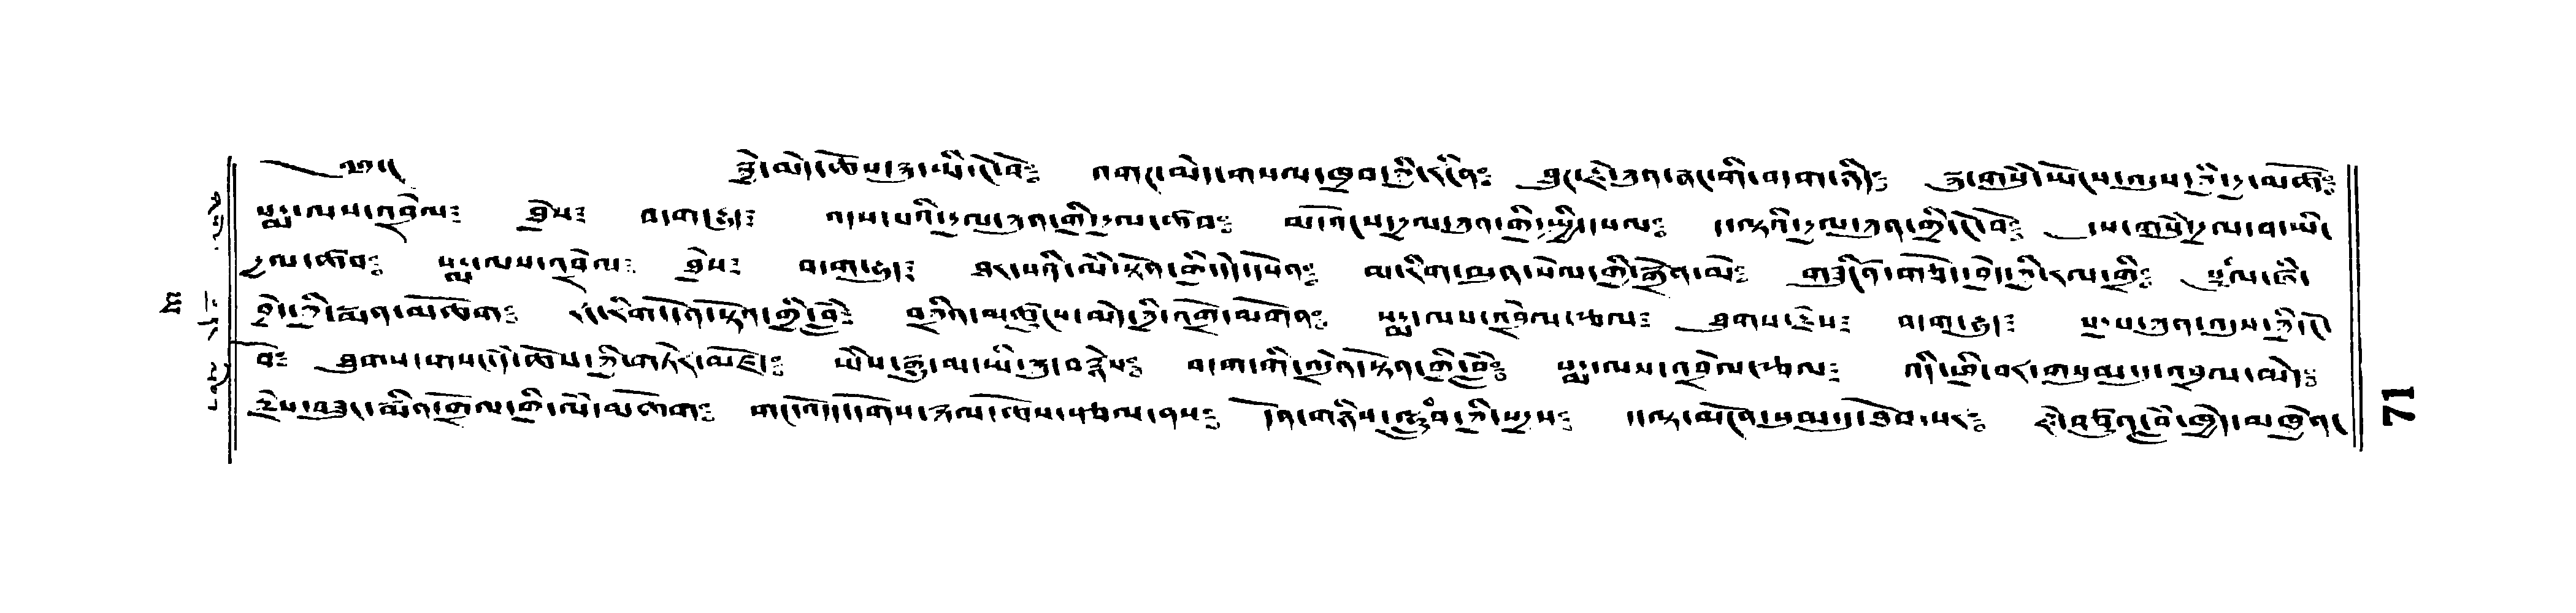སྐྱེ་མེད་ཆོས་སྐུ་ཡི་ངོ་བོ༔ འགགས་མེད་གསལ་ཁྱབ་ཀྱི་རང་བཞིན༔ ཐུགས་རྗེ་ཀུན་སྣང་གི་བདག་ཉིད༔ སྐུ་གསུམ་ཡོངས་འདུས་ཀྱི་རྒྱ་མཚོ༔ 
པདྨ་ལས་འབྲེལ༴ ཐུགས་རྗེས༴ བདག་རྒྱུད༴ འདས་པའི་རྒྱལ་ཀུན་གྱི་རྒྱལ་ཚབ༔ མ་འོངས་རྒྱལ་ཀུན་གྱི་སྤྱི་དཔལཿ ད་ལྟའི་རྒྱལ་ཀུན་གྱི་ངོ་བོ༔ དུས་གསུམ་རྒྱལ་བ་ཡི་
རྒྱལ་ཚབ༔ པདྨ་ལས་འབྲེལ༴ ཐུགས་རྗེས་༴ བདག་རྒྱུད༴ ཐར་པའི་ལམ་སྟོན་གྱི་དེད་དཔོན༔ མ་རིག་མུན་སེལ་གྱི་སྒྲོན་མེ༔ གཟུང་འཛིན་གཅོད་བྱེད་ཀྱི་རལ་གྲི༔ སྡུག་བསྔལ་ཞི་
བྱེད་ཀྱི་སྨན་མཆོག༔ རང་རིག་དོན་སྟོན་གྱི་བླ་མ༔ བཀའ་དྲིན་མཚུངས་མེད་ཀྱི་འགྲོ་མགོན༔ པདྨ་ལས་འབྲེལ་རྩལ༴ ཐུགས་རྗེས༴ བདག་རྒྱུད༴ སངས་རྒྱས་ཀུན་འདུས་ཀྱི་ངོ་
བོ༔ ཐུགས་གསང་དམ་ཆོས་ཀྱི་གཏེར་མཛོད༔ ཡེ་ཤེས་སྒྱུ་མ་ཡི་སྐུ་བརྙེས༔ བདག་གི་འདྲེན་སྟོན་གྱི་བླ་མ༔ པདྨ་ལས་འབྲེལ་རྩལ༴ འདི་ཕྱི་བར་གསུམ་དུ་འབྲལ་མེད༔ 
རྗེས་བཟུང་སྨིན་གྲོལ་གྱི་ལམ་མཆོག༔གང་འདོད་དགོས་སྐལ་ཆོས་སྩལ་ནས༔ དོན་གཉིས་ལྷུན་གྲུབ་ཀྱི་སངས་རྒྱས༔ ད་ལྟ་མངོན་སུམ་དུ་ཐོབ་པར༔ རྗེ་བཙུན་བླ་མ་ཁྱེད་མཁྱེན་